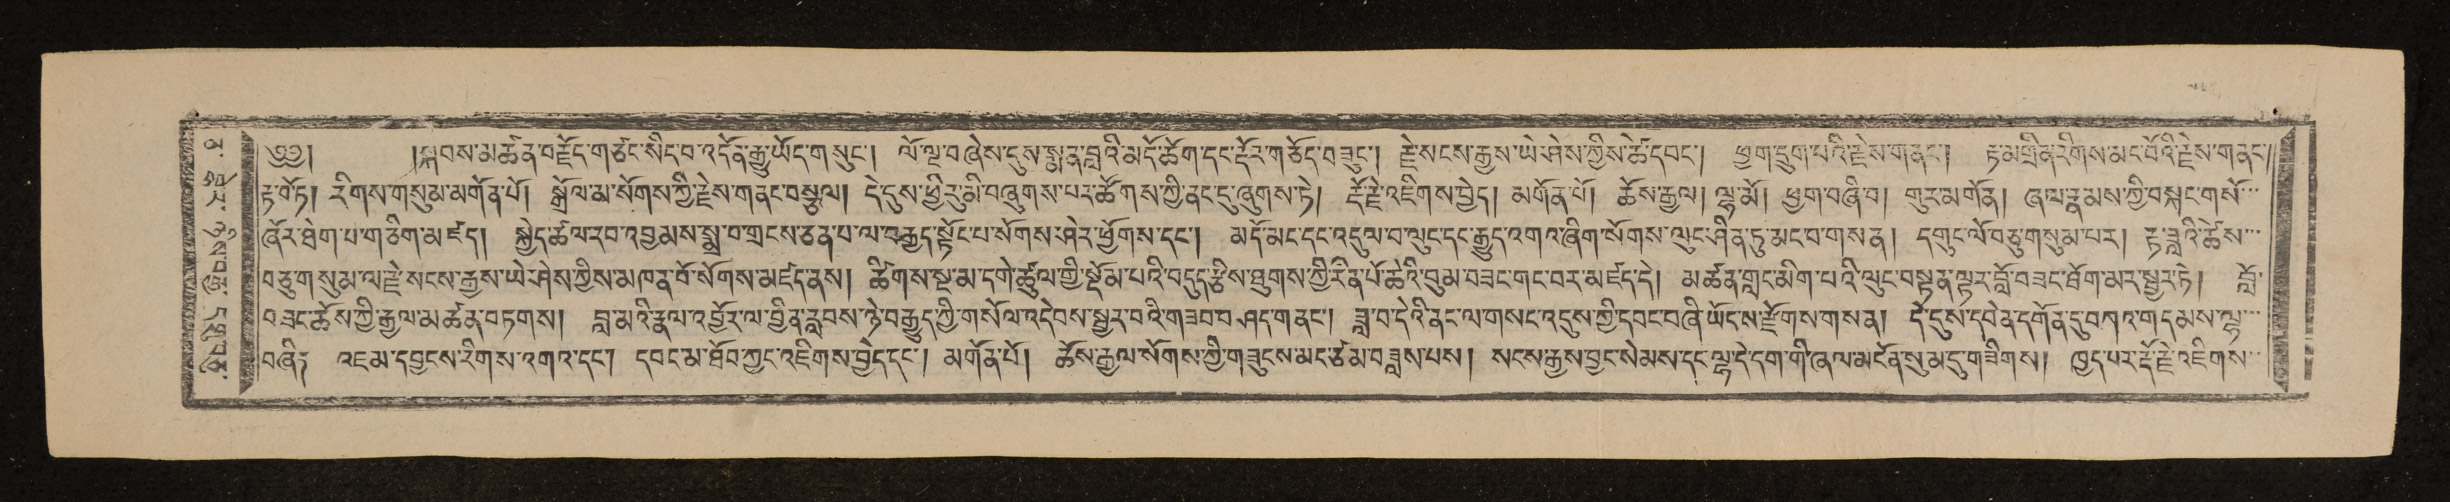༄༅། །སྐབས་མཚན་བརྗོད་གཙང་སིང་བ་འདོན་རྒྱུ་ཡོད་གསུང་། ལོ་ལྔ་བཞེས་དུས་སྨན་བླའི་མདོ་ཆོག་དང་རྡོར་གཅོད་བཟུང་། རྗེ་སངས་རྒྱས་ཡེ་ཤེས་ཀྱིས་ཚེ་དབང་། ཕྱག་དྲུག་པའི་རྗེས་གནང་། རྟ་མགྲིན་རིགས་མང་པོའི་རྗེས་གནང་
རྟ་བོ་ཏ། རིགས་གསུམ་མགོན་པོ། སྒྲོལ་མ་སོགས་ཀྱི་རྗེས་གནང་བསྩལ། དེ་དུས་ཕྱི་རུ་མི་བཞུགས་པར་ཚོགས་ཀྱི་ནང་དུ་ཞུགས་ཏེ། རྡོ་རྗེ་འཇིགས་བྱེད། མགོན་པོ། ཆོས་རྒྱལ། ལྷ་མོ། ཕྱག་བཞི་པ། གུར་མགོན། ཞལ་རྣམས་ཀྱི་བསྐང་གསོ་
ཞོར་ཐེག་པ་གཅིག་མཛད། སྐྱེད་ཚལ་རབ་འབྱམས་སྨྲ་བ་གྲངས་ཅན་པ་ལ་བརྒྱད་སྟོང་པ་སོགས་ཤེར་ཕྱོགས་དང་། མདོ་མང་དང་འདུལ་བ་ལུང་དང་རྒྱུད་འགའ་ཞིག་སོགས་ལུང་ཤིན་ཏུ་མང་བ་གསན། དགུང་ལོ་བཅུ་གསུམ་པར། རྟ་ཟླའི་ཚེས་
བཅུ་གསུམ་ལ་རྗེ་སངས་རྒྱས་ཡེ་ཤེས་ཀྱིས་མཁན་པོ་སོགས་མཛད་ནས། ཚིགས་སྔ་མ་དགེ་ཚུལ་གྱི་སྡོམ་པའི་བདུད་རྩིས་ཐུགས་ཀྱི་རིན་པོ་ཆེའི་བུམ་བཟང་གང་བར་མཛད་དེ། མཚན་གླང་མིག་པའི་ལུང་བསྟན་ལྟར་བློ་བཟང་ཐོག་མར་སྦྱར་ཏེ། བློ་
བཟང་ཆོས་ཀྱི་རྒྱལ་མཚན་བཏགས། བླ་མའི་རྣལ་འབྱོར་ལ་བྱིན་རླབས་ཉེ་བརྒྱུད་ཀྱི་གསོལ་འདེབས་སྦྱར་བའི་གཟབ་བཤད་གནང་། ཟླ་བ་དེའི་ནང་ལ་གསང་འདུས་ཀྱི་དབང་བཞི་ཡོངས་རྫོགས་གསན། དེ་དུས་དབེན་དགོན་དུ་བཀའ་གདམས་ལྷ་
བཞི༑ འཇམ་དབྱངས་རིགས་འགའ་དང་། དབང་མ་ཐོབ་ཀྱང་འཇིགས་བྱེད་དང་། མགོན་པོ། ཆོས་རྒྱལ་སོགས་ཀྱི་གཟུངས་མང་ཙམ་བཟླས་པས། སངས་རྒྱས་བྱང་སེམས་དང་ལྷ་དེ་དག་གི་ཞལ་མངོན་སུམ་དུ་གཟིགས། ཁྱད་པར་རྡོ་རྗེ་འཇིགས་